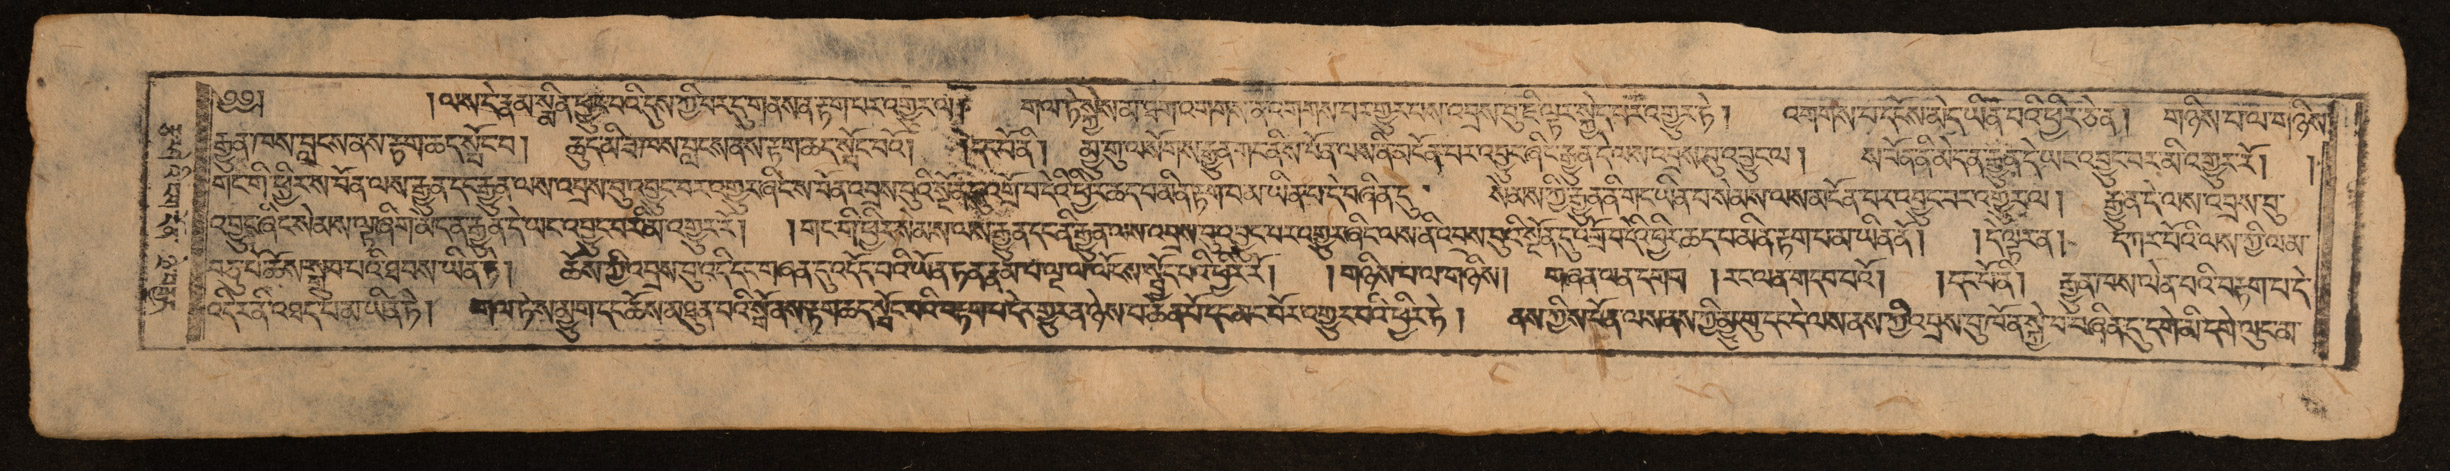༄༅། །ལས་དེ་རྣམ་སྨིན་ཕྱུང་བའི་དུས་ཀྱི་བར་དུ་གནས་ན་རྟག་པར་འགྱུར་ལ། གལ་ཏེ་སྐྱེས་མ་ཐག་འགགས་ན་འགགས་པར་གྱུར་པས་འབྲས་བུ་ཇི་ལྟར་སྐྱེད་པར་འགྱུར་ཏེ། འགགས་པ་དངོས་མེད་ཡིན་པའི་ཕྱིར་ཅེ་ན། གཉིས་པ་ལ་གཉིས་
རྒྱུན་ཁས་བླངས་ནས་རྟག་ཆད་སྤོང་བ། ཆུད་མི་ཟ་ཁས་བླངས་ནས་རྟག་ཆད་སྤོང་བའོ། །དང་པོ་ནི། མྱུ་གུ་ལ་སོགས་རྒྱུན་གང་ནི་ས་བོན་ལས་ནི་མངོན་པར་འབྱུང་ཞིང་རྒྱུན་དེ་ལས་འབྲས་བུ་འབྱུང་ལ། ས་བོན་ནི་མེད་ན་རྒྱུན་དེ་ཡང་འབྱུང་བར་མི་འགྱུར་རོ། །
གང་གི་ཕྱིར་ས་བོན་ལས་རྒྱུན་དང་རྒྱུན་ལས་འབྲས་བུ་འབྱུང་བར་འགྱུར་ཞིང་ས་བོན་འབྲས་བུའི་སྔོན་དུ་འགྲོ་བ་དེའི་ཕྱིར་ཆད་པ་མིན་རྟག་པ་མ་ཡིན་པ་དེ་བཞིན་དུ། སེམས་ཀྱི་རྒྱུན་ནི་གང་ཡིན་པ་སེམས་ལས་མངོན་པར་འབྱུང་བར་འགྱུར་ལ། རྒྱུན་དེ་ལས་འབྲས་བུ་
འབྱུང་ཞིང་སེམས་ལྟ་ཞིག་མེད་ན་རྒྱུན་དེ་ཡང་འབྱུང་བར་མི་འགྱུར་རོ། །གང་གི་ཕྱིར་སེམས་ལས་རྒྱུན་དང་ནི་རྒྱུན་ལས་འབྲས་བུ་འབྱུང་བར་འགྱུར་ཞིང་ལས་ནི་འབྲས་བུའི་སྔོན་དུ་འགྲོ་བ་དེའི་ཕྱིར་ཆད་པ་མིན་རྟག་པ་མ་ཡིན་ནོ། །དེ་ལྟར་ན། དཀར་པོའི་ལས་ཀྱི་ལམ་
བཅུ་པོ་ཆོས་སྒྲུབ་པའི་ཐབས་ཡིན་ཏེ། ཆོས་ཀྱི་འབྲས་བུ་འདི་དང་གཞན་དུ་འདོད་པའི་ཡོན་ཏན་རྣམ་པ་ལྔ་ལ་ལོངས་སྤྱོད་པའི་ཕྱིར་རོ། །གཉིས་པ་ལ་གཉིས། གཞན་ལན་དགག །རང་ལན་གདབ་པའོ། །དང་པོ་ནི། རྒྱུན་ཁས་ལེན་པའི་བརྟག་པ་དེ་
འདིར་ནི་འཐད་པ་མ་ཡིན་ཏེ། གལ་ཏེ་མྱུག་དང་ཆོས་མཐུན་པའི་སྒོ་ནས་རྟག་ཆད་སྤོང་བའི་བརྟག་པ་དེར་གྱུར་ན་ཉེས་པ་ཆེན་པོ་དང་མང་པོར་འགྱུར་བའི་ཕྱིར་ཏེ། ནས་ཀྱི་ས་བོན་ལས་ནས་ཀྱི་མྱུ་གུ་དང་དེ་ལས་ནས་ཀྱི་འབྲས་བུ་ཁོ་ན་སྐྱེ་བ་བཞིན་དུ་དགེ་མི་དགེ་ལུང་མ་